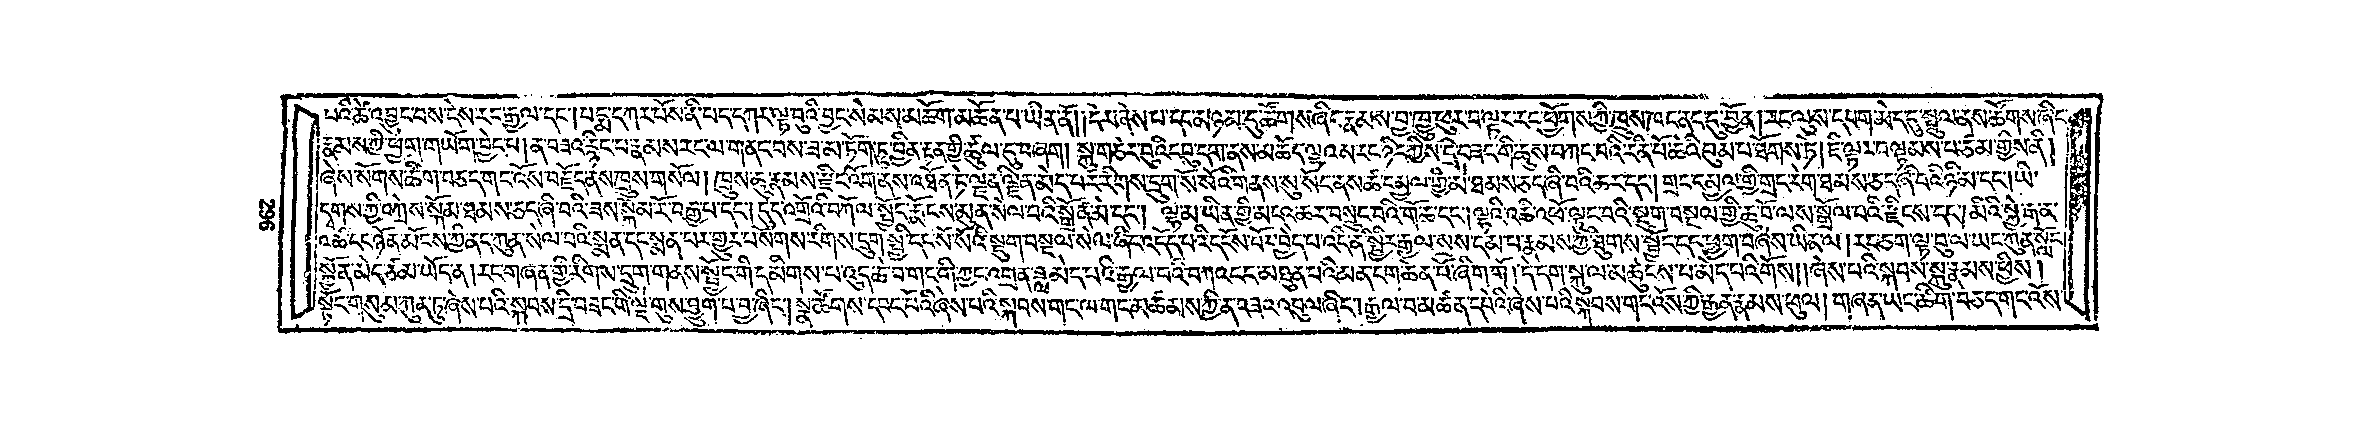པའི་ཚེ་འབྱུང་བས་དེས་རང་རྒྱལ་དང་། པདམ་དཀར་པོས་ནི་པད་དཀར་ལྟ་བུའི་བྱང་སེམས་མཆོག་མཆོན་པ་ཡིན་ནོ། །དེར་ཞེས་པ་དང་མཉམ་དུ་ཚོགས་ཞིང་རྣམས་བྱ་ཁྱུ་ཕུར་བ་ལྟར་རང་ཕྱོགས་ཀྱི་ཁྲུས་ཁང་ནང་དུ་བྱོན། རང་ལུས་དཔག་མེད་དུ་སྤྲུལ་ནས་ཚོགས་ཞིང་
རྣམས་ཀྱི་ཕྱག་གཡོག་བྱེད་པ། ན་བཟའ་རྙིང་པ་རྣམས་རང་ལ་གནང་བས་ཟ་མ་ཏོག་ཏུ་བྱིན་རྟན་གྱི་ཚུལ་དུ་བཞག །སྐུ་གཅེར་བུའི་དབུ་དག་ནས་མཆོད་ལྷའམ་རང་ཉིད་ཀྱིས་དྲི་བཟང་གི་ཆུས་བཀང་བའི་རིན་པོ་ཆེའི་བུམ་པ་ཐོགས་ཏེ། ཇི་ལྟར་བལྟམས་པ་ཙམ་གྱིས་ནི།
ཞེས་སོགས་ཚིག་བཅད་གང་འོས་བརྗོད་ནས་ཁྲུས་གསོལ། ཁྲུས་ཆུ་རྣམས་རྫིང་འོག་ནས་འཐོན་ཏེ་ལྗན་ལྗིན་མེད་པར་རིགས་དྲུག་སོ་སོའི་གནས་སུ་སོང་ནས་ཚ་དམྱལ་གྱི་མེ་ཐམས་ཅད་ཞི་བའི་ཆར་དང་། གྲང་དམྱལ་གྱི་གྲང་རེག་ཐམས་ཅད་ཞི་བའི་ཉི་མ་དང་། ཡི་
དྭགས་ཀྱི་བཀྲེས་སྐོམ་ཐམས་ཅད་ཞི་བའི་ཟས་སྐོམ་རོ་བརྒྱ་པ་དང་། དུད་འགྲོའི་བཀོལ་སྤྱོད་རྨོངས་མུན་སེལ་བའི་སྒྲོན་མེ་དང་། ལྷ་མ་ཡིན་གྱི་མདའ་ཆར་བསྲུང་བའི་གོ་ཆ་དང་། ལྷའི་འཆི་འཕོ་ལྟུང་བའི་སྡུག་བསྔལ་གྱི་ཆུ་བོ་ལས་སྒྲོལ་བའི་རྫིངས་དང་། མིའི་སྐྱེ་རྒ་ན་
འཆི་དང་ཉོན་མོངས་ཀྱི་ནད་ཀུན་སེལ་བའི་སྨན་དང་སྨན་པར་གྱུར་པ་སོགས་རིགས་དྲུག་སྤྱི་དང་སོ་སོའི་སྡུག་བསྔལ་སེལ་ཞིང་འདོད་པའི་དངོས་པོར་བྱེད་པ་འདི་ནི་སྤྱིར་རྒྱལ་སྲས་དམ་པ་རྣམས་ཀྱི་ཐུགས་སྦྱོང་དང་ཕྱག་བཞེས་ཡིན་ལ། རང་ཅག་ལྟ་བུ་ལ་ཡང་ཀུན་སློང་
སྐྱོན་མེད་ཙམ་ཡོད་ན། རང་གཞན་གྱི་རིགས་དྲུག་གནས་སྤྱོང་གི་དམིགས་པ་འུད་ཆེ་བ་གང་གི་ཀྱང་འགྲན་ཟླ་མེད་པའི་རྒྱལ་བའི་བཀའ་དང་མཐུན་པའི་མན་ངག་ཆེན་པོ་ཞིག་གོ །དེ་དག་སྐུ་ལ་མཚུངས་པ་མེད་པའི་གོས། །ཞེས་པའི་སྐབས་སྐུ་རྣམས་ཕྱིས།
སྟོང་གསུམ་ཀུན་ཏུ་ཞེས་པའི་སྐབས་དྲི་བཟང་གི་ལྡེ་གུས་བྱུག་པ་བྱ་ཞིང་། སྣ་ཚོགས་དབང་པོའི་ཞེས་པའི་སྐབས་གང་ལ་གང་མཚམས་ཀྱི་ན་བཟའ་འབུལ་ཞིང་། རྒྱལ་བ་མཚན་དཔེའི་ཞེས་པའི་སྐབས་གང་འོས་ཀྱི་རྒྱན་རྣམས་ཕུལ། གཞན་ཡང་ཚིག་བཅད་གང་འོས་